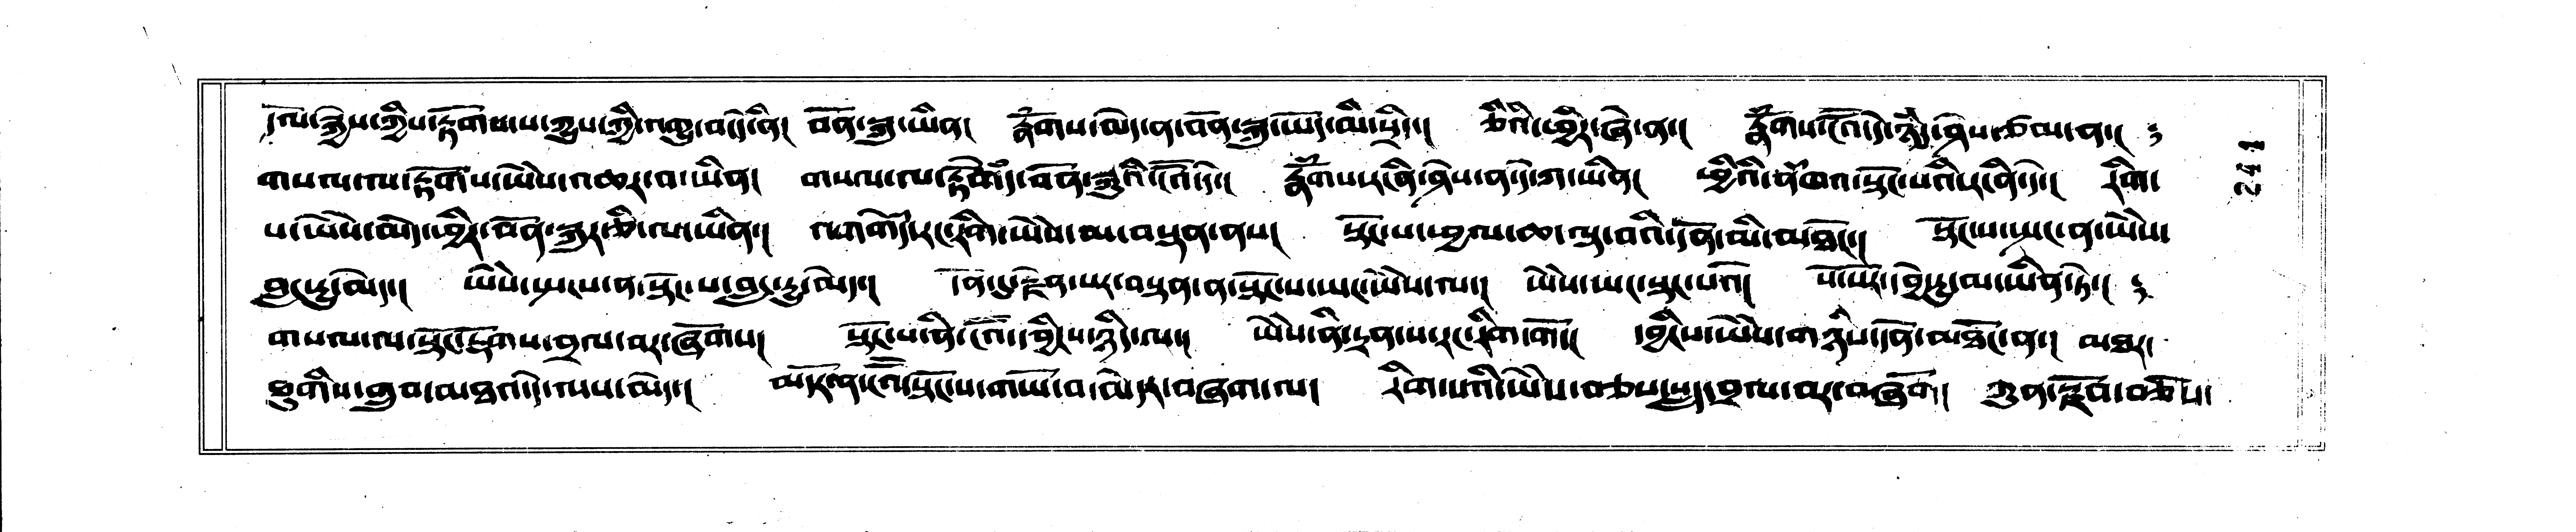ཐོལ་སྐྱེས་ཀྱི་རྟོག་པ་ཀྱུས་ཀྱིས་འགྱུས་པ་འདི་ཉིད་ནི་བོན་སྐུ་ཡིན། རྣམ་རྟོག་མེད་ན་བོན་སྐུ་ཡོད་མི་སྲིད། ཅིའི་ཕྱིར་ཞེ་ན། རྣམ་རྟོག་ངོའོ་དེ་ཉིད་ཤེས་ཙམ་ན། 
གསལ་ལ་རྟོག་མེད་ཡེ་ཤེས་འཆར་བ་ཡིན། གསལ་ལ་རྟོག་མེད་བོན་སྐུའི་ངོའོ་དེ། རྣམ་རྟོག་རང་བཞིན་ཤེས་ན་དེ་ཀ་ཡིན། ཕྱིའི་ནམ་མཁའ་སྟོང་པའི་རང་བཞིན་ཏེ། རིག་
པའི་ཡེ་ཤེས་མེད་ཕྱིར་བོན་སྐུ་ཅི་ལ་ཡིན། འགག་མེད་རང་རིག་ཡེ་ཤེས་མ་བསྟན་ན། སྟོང་པ་ཕྱལ་ཆད་ཀྱིས་ལྟ་བས་དོན་མི་མཐོང་། སྟོང་པ་སྤང་ནས་ཡེ་ཤེས་
བླང་རྒྱུ་མེད། ཡེ་ཤེས་སྤང་ནས་སྟོང་པ་བླང་རྒྱུ་མེད། དོན་དུ་རྗེན་པར་བསྟན་ན་སྟོང་པ་ཡང་ཡེ་ཤེས་ལ། ཡེ་ཤེས་ཀྱང་སྟོང་པའོ། སོ་སོར་དབྱེ་རྒྱུ་མ་ཡིན་ཏེ། 
གསལ་ལ་སྟོང་རྟོག་བྲལ་བར་བཞག་པའོ། སྟོང་པ་ནི་ངོའོ་དབྱིངས་ཉིད་ལ། ཡེ་ཤེས་ནི་དྲན་པ་རང་རིག་ཡེ་ཤེས་སོ། དབྱིངས་ཡེ་ཤེས་གཉིས་མེད་དོན་མཐོང་ན། མཐར་
ཐུག་ཀྱི་གྲུབ་མཐའ་དེ་ལས་མེད། མདོར་ན་ངོའོ་སྟོང་པ་གཡོ་བ་མེད་པར་བཞགས་ལ། རིག་པའི་ཡེ་ཤེས་བཅོས་བསླད་བྲལ་བར་བཞག་པའོ། ཀུན་རྫོབ་བཅོས་